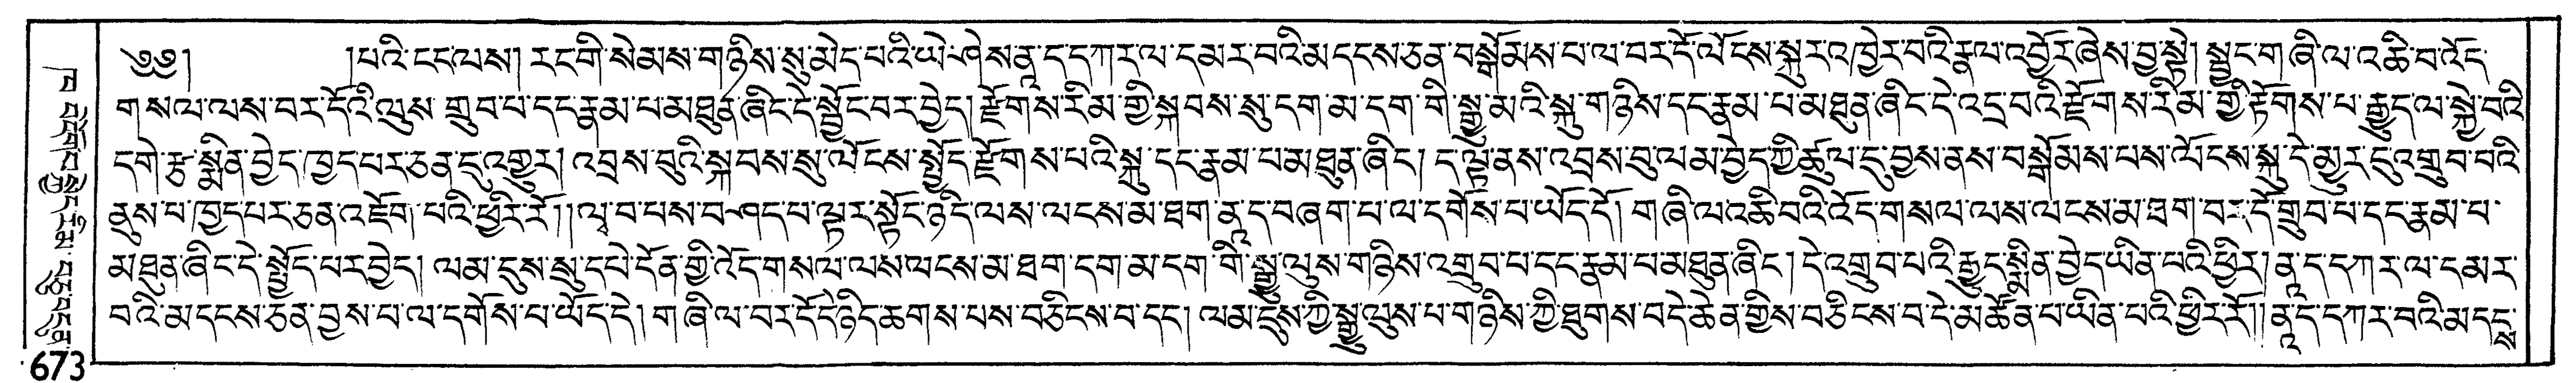༄༅། །པའི་ངང་ལས། རང་གི་སེམས་གཉིས་སུ་མེད་པའི་ཡེ་ཤེས་ནཱ་ད་དཀར་ལ་དམར་བའི་མདངས་ཅན་བསྒོམས་པ་ལ་བར་དོ་ལོངས་སྐུར་འཁྱེར་བའི་རྣལ་འབྱོར་ཞེས་བྱ་སྟེ། སྦྱང་གཞི་ལ་འཆི་བ་འོད་
གསལ་ལས་བར་དོའི་ལུས་གྲུབ་པ་དང་རྣམ་པ་མཐུན་ཞིང་དེ་སྦྱོང་བར་བྱེད། རྫོགས་རིམ་གྱི་སྐབས་སུ་དག་མ་དག་གི་སྒྱུ་མའི་སྐུ་གཉིས་དང་རྣམ་པ་མཐུན་ཞིང་དེ་འདྲ་བའི་རྫོགས་རིམ་གྱི་རྟོགས་པ་རྒྱུད་ལ་སྐྱེ་བའི་
དགེ་རྩ་སྨིན་བྱེད་ཁྱད་པར་ཅན་དུ་འགྱུར། འབྲས་བུའི་སྐབས་སུ་ལོངས་སྤྱོད་རྫོགས་པའི་སྐུ་དང་རྣམ་པ་མཐུན་ཞིང་། ད་ལྟ་ནས་འབྲས་བུ་ལམ་བྱེད་ཀྱི་ཚུལ་དུ་བྱས་ནས་བསྒོམས་པས་ལོངས་སྐུ་དེ་མྱུར་དུ་འགྲུབ་པའི་
ནུས་པ་ཁྱད་པར་ཅན་འཇོག་པའི་ཕྱིར་རོ། །ལྭ་བ་པས་བཤད་པ་ལྟར་སྟོང་ཉིད་ལས་ལངས་མ་ཐག་ནཱ་ད་བཞག་པ་ལ་དགོས་པ་ཡོད་དོ། གཞི་ལ་འཆི་བའི་འོད་གསལ་ལས་ལངས་མ་ཐག་བར་དོ་གྲུབ་པ་དང་རྣམ་པ་
མཐུན་ཞིང་དེ་སྤྱོད་པར་བྱེད། ལམ་དུས་སུ་དཔེ་དོན་གྱི་འོད་གསལ་ལས་ལངས་མ་ཐག་དག་མ་དག་གི་སྒྱུ་ལུས་གཉིས་འགྲུབ་པ་དང་རྣམ་པ་མཐུན་ཞིང་། དེ་འགྲུབ་པའི་རྒྱུད་སྨིན་བྱེད་ཡིན་པའི་ཕྱིར། ནཱ་ད་དཀར་ལ་དམར་
བའི་མདངས་ཅན་བྱས་པ་ལ་དགོས་པ་ཡོད་དེ། གཞི་ལ་བར་དོ་དེ་ཉིད་ཆགས་པས་བཅིངས་བ་དང་། ལམ་དུས་ཀྱི་སྒྱུ་ལུས་པ་གཉིས་ཀྱི་ཐུགས་བདེ་ཆེན་གྱིས་བཅིངས་བ་དེ་མཚོན་པ་ཡིན་པའི་ཕྱིར་རོ། །ནཱ་ད་དཀར་བའི་མདངས་